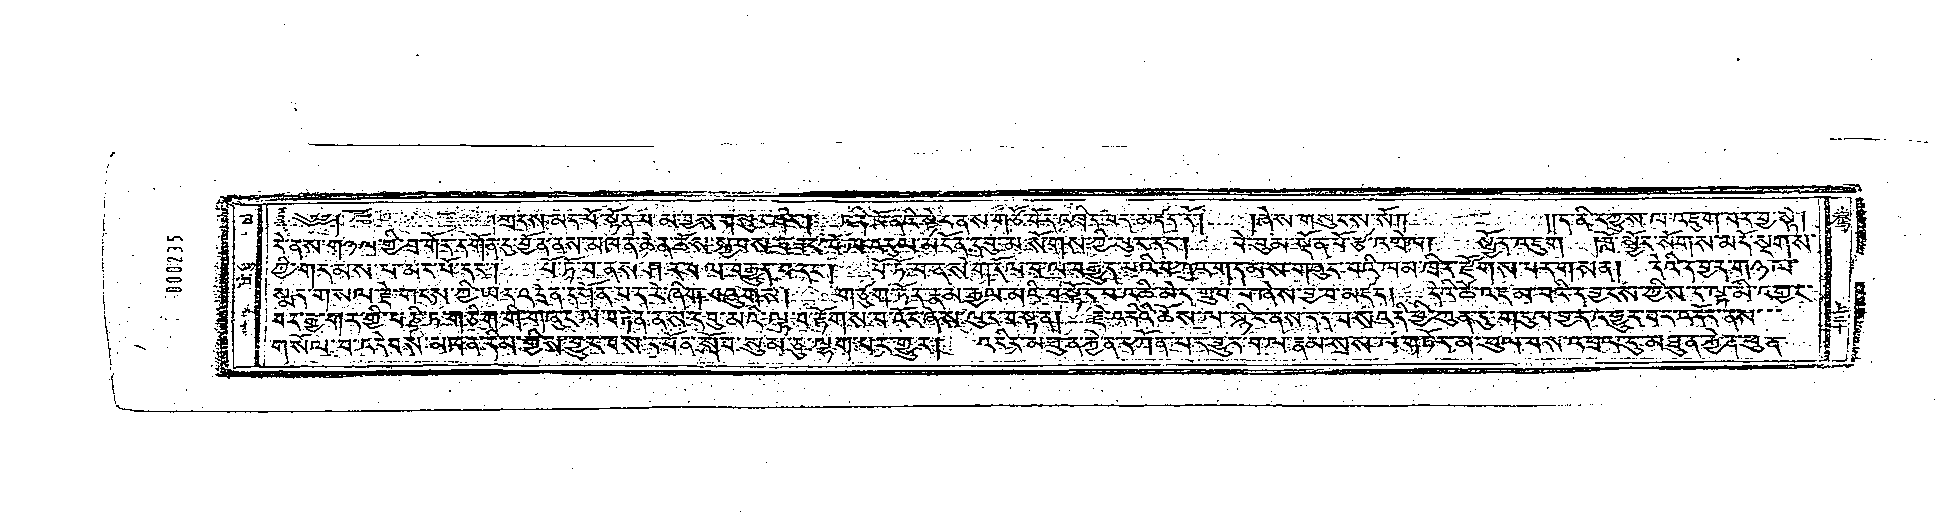༄༅། །གྲངས་མང་པོ་སྟོན་པ་མ་བྱས་གསུང་ཞིང་། འདི་ཁོ་ནའི་སྟེང་ནས་གཙོ་བོར་འཁྲིད་བར་མཛད་དོ། །ཞེས་གསུངས་སོ།། །།ད་ནི་དཀྱུས་ལ་འཇུག་པར་བྱ་སྟེ།
དེ་ནས་གཉལ་གྱི་བྲ་གོར་དགོན་དུ་བྱོན་ནས་མཁན་ཆེན་ཆོས་སྐྱབས་བཟང་བོ་ལ་འདུལ་མངོན་དབུ་མ་སོགས་ཀྱི་ལུད་དང་། བེ་བུམ་སྡོན་པོ་རྩ་འགྲེལ། སྤྱོད་འཇུག །བློ་སྦྱོང་སོགས་མདོ་སྔགས་
ཀྱི་གདམས་པ་མང་པོ་དང་། པོ་ཏོ་བ་ནས་ཤར་པ་ལ་བརྒྱུད་བ་དང་། པོ་ཏོ་བ་ནས་གདོལ་བ་ལ་བརྒྱུད་པའི་བཀའ་གདམས་གཞུང་བའི་ལམ་ཁྲིད་རྫོགས་པར་གསན། དེའི་དབྱར་གཉལ་
སྨད་གསལ་རྗེ་གངས་ཀྱི་ཡར་འདྲེན་དགོན་པར་རེ་ཞིག་བཞུགས། གཙུག་ཏོར་རྣམ་རྒྱལ་མའི་བསྟོད་པ་འཆི་མེད་གྲུབ་པ་ཞེས་བྱ་ནས་དད་བས་འདི་ཕྱི་ཀུན་དུ་གདུལ་བྱར་འགྱུར་བར་འདོད་ནས་
བར་རྒྱ་གར་གྱི་པཎྜི་ཏ་གཅིག་གི་གཞུང་ལ་བརྟེན་ནས་དབུ་མའི་ལྟ་བ་རྟོགས་བ་འོང་ཞེས་ལུང་བསྟན། རྗེ་འདིའི་ཆོས་ལ་སྙིང་ནས་དད་བས་འདི་ཕྱི་ཀུན་དུ་གདུལ་བྱར་འགྱུར་བར་འདོད་ནས་
གསོལ་བ་འདེབས་མཁན་རིམ་གྱིས་བྱུང་བས་དཔོན་སློབ་སུམ་ཅུ་ལྷག་པར་གྱུར། འདིར་མཐུན་རྐྱེན་དཀོན་པར་བྱུང་བ་ལ་རྣམ་སྲས་ལ་གཏོར་མ་ཕུལ་བས་འཕྲལ་དུ་མཐུན་རྐྱེན་ཕུན་